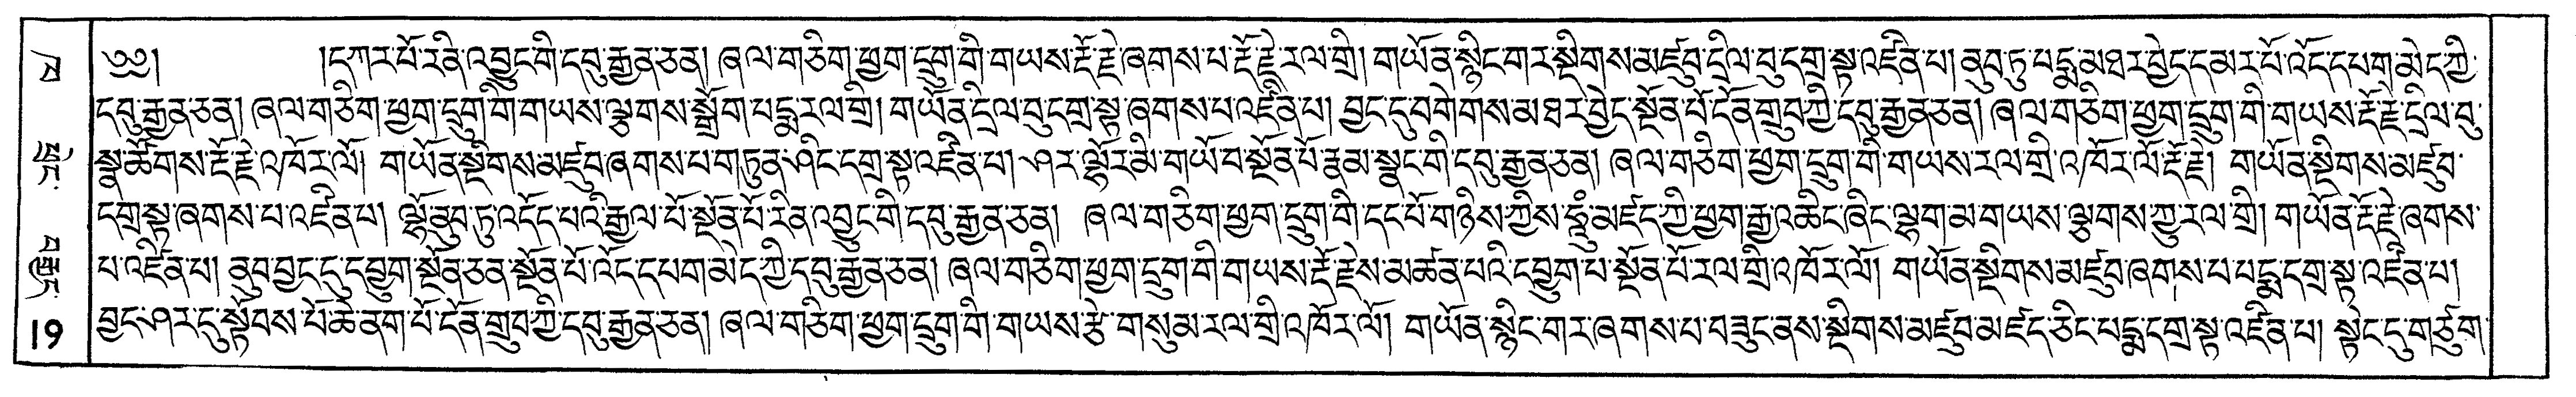༄༅། །དཀར་པོ་རིན་འབྱུང་གི་དབུ་རྒྱན་ཅན། ཞལ་གཅིག་ཕྱག་དྲུག་གི་གཡས་རྡོ་རྗེ་ཞགས་པ་རྡོ་རྗེ་རལ་གྲི། གཡོན་སྙིང་གར་སྡིགས་མཛུབ་དྲིལ་བུ་དགྲ་སྟ་འཛིན་པ། ནུབ་ཏུ་པདམ་མཐར་བྱེད་དམར་པོ་འོད་དཔག་མེད་ཀྱི་
དབུ་རྒྱན་ཅན། ཞལ་གཅིག་ཕྱག་དྲུག་གི་གཡས་ལྕགས་སྒྲོག་པདམ་རལ་གྲི། གཡོན་དྲིལ་བུ་དགྲ་སྟ་ཞགས་པ་འཛིན་པ། བྱང་དུ་བགེགས་མཐར་བྱེད་སྔོན་པོ་དོན་གྲུབ་ཀྱི་དབུ་རྒྱན་ཅན། ཞལ་གཅིག་ཕྱག་དྲུག་གི་གཡས་རྡོ་རྗེ་དྲིལ་བུ་
སྣ་ཚོགས་རྡོ་རྗེ་འཁོར་ལོ། གཡོན་སྡིགས་མཛུབ་ཞགས་པ་གཏུན་ཤིང་དགྲ་སྟ་འཛིན་པ། ཤར་ལྷོར་མི་གཡོ་བ་སྔོན་པོ་རྣམ་སྣང་གི་དབུ་རྒྱན་ཅན། ཞལ་གཅིག་ཕྱག་དྲུག་གི་གཡས་རལ་གྲི་འཁོར་ལོ་རྡོ་རྗེ། གཡོན་སྡིགས་མཛུབ་
དགྲ་སྟ་ཞགས་པ་འཛིན་པ། ལྷོ་ནུབ་ཏུ་འདོད་པའི་རྒྱལ་པོ་སྔོན་པོ་རིན་འབྱུང་གི་དབུ་རྒྱན་ཅན། ཞལ་གཅིག་ཕྱག་དྲུག་གི་དང་པོ་གཉིས་ཀྱིས་ཧཱུཾ་མཛད་ཀྱི་ཕྱག་རྒྱ་འཆིང་ཞིང་ལྷག་མ་གཡས་ལྕགས་ཀྱུ་རལ་གྲི། གཡོན་རྡོ་རྗེ་ཞགས་
པ་འཛིན་པ། ནུབ་བྱང་དུ་དབྱུག་སྔོན་ཅན་སྔོན་པོ་འོད་དཔག་མེད་ཀྱི་དབུ་རྒྱན་ཅན། ཞལ་གཅིག་ཕྱག་དྲུག་གི་གཡས་རྡོ་རྗེས་མཚན་པའི་དབྱུག་པ་སྔོན་པོ་རལ་གྲི་འཁོར་ལོ། གཡོན་སྡིགས་མཛུབ་ཞགས་པ་པདམ་དགྲ་སྟ་འཛིན་པ།
བྱང་ཤར་དུ་སྟོབས་པོ་ཆེ་ནག་པོ་དོན་གྲུབ་ཀྱི་དབུ་རྒྱན་ཅན། ཞལ་གཅིག་ཕྱག་དྲུག་གི་གཡས་རྩེ་གསུམ་རལ་གྲི་འཁོར་ལོ། གཡོན་སྙིང་གར་ཞགས་པ་བཟུང་ནས་སྡིགས་མཛུབ་མཛད་ཅིང་པདམ་དགྲ་སྟ་འཛིན་པ། སྟེང་དུ་གཙུག་